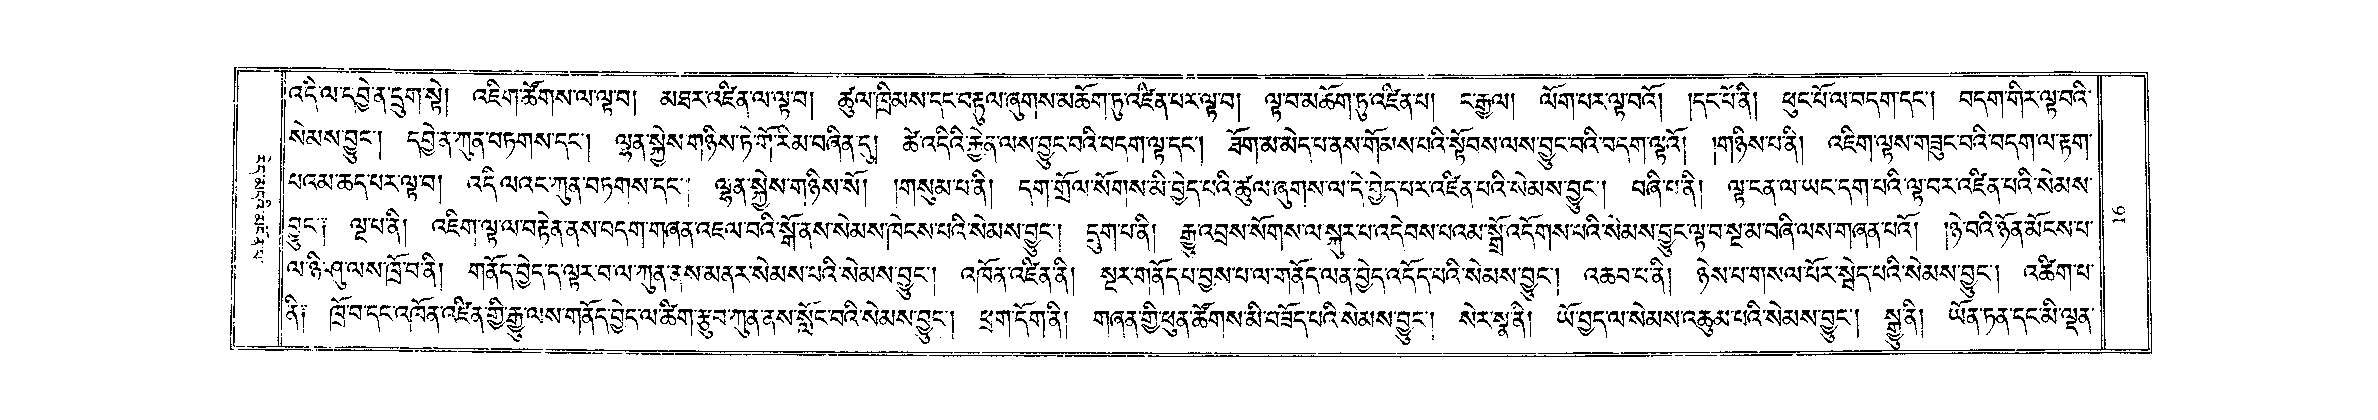འདི་ལ་དབྱེ་ན་དྲུག་སྟེ། འཇིག་ཚོགས་ལ་ལྟ་བ། མཐར་འཛིན་ལ་ལྟ་བ། ཚུལ་ཁྲིམས་དང་བརྟུལ་ཞུགས་མཆོག་ཏུ་འཛིན་པར་ལྟ་བ། ལྟ་བ་མཆོག་ཏུ་འཛིན་པ། ང་རྒྱལ། ལོག་པར་ལྟ་བའོ། །དང་པོ་ནི། ཕུང་པོ་ལ་བདག་དང་། བདག་གིར་ལྟ་བའི་
སེམས་བྱུང་། དབྱེ་ན་ཀུན་བཏགས་དང་། ལྷན་སྐྱེས་གཉིས་ཏེ་གོ་རིམ་བཞིན་དུ། ཚེ་འདིའི་རྐྱེན་ལས་བྱུང་བའི་བདག་ལྟ་དང་། ཐོག་མ་མེད་པ་ནས་གོམས་པའི་སྟོབས་ལས་བྱུང་བའི་བདག་ལྟའོ། །གཉིས་པ་ནི། འཇིག་ལྟས་གཟུང་བའི་བདག་ལ་རྟག་
པའམ་ཆད་པར་ལྟ་བ། འདི་ལའང་ཀུན་བཏགས་དང་། ལྷན་སྐྱེས་གཉིས་སོ། །གསུམ་པ་ནི། དག་གྲོལ་སོགས་མི་བྱེད་པའི་ཚུལ་ཞུགས་ལ་དེ་བྱེད་པར་འཛིན་པའི་སེམས་བྱུང་། བཞི་པ་ནི། ལྟ་ངན་ལ་ཡང་དག་པའི་ལྟ་བར་འཛིན་པའི་སེམས་
བྱུང༑ ལྔ་པ་ནི། འཇིག་ལྟ་ལ་བརྟེན་ནས་བདག་གཞན་འཇལ་བའི་སྒོ་ནས་སེམས་ཁེངས་པའི་སེམས་བྱུང་། དྲུག་པ་ནི། རྒྱུ་འབྲས་སོགས་ལ་སྐུར་པ་འདེབས་པའམ་སྒྲོ་འདོགས་པའི་སེམས་བྱུང་ལྟ་བ་སྔ་མ་བཞི་ལས་གཞན་པའོ། །ཉེ་བའི་ཉོན་མོངས་པ་
ལ་ཉི་ཤུ་ལས་ཁྲོ་བ་ནི། གནོད་བྱེད་ད་ལྟར་བ་ལ་ཀུན་ནས་མནར་སེམས་པའི་སེམས་བྱུང་། འཁོན་འཛིན་ནི། སྔར་གནོད་པ་བྱས་པ་ལ་གནོད་ལན་བྱེད་འདོད་པའི་སེམས་བྱུང་། འཆབ་པ་ནི། ཉེས་པ་གསལ་པོར་སྦེད་པའི་སེམས་བྱུང་། འཚིག་པ་
ནི༑ ཁྲོ་བ་དང་འཁོན་འཛིན་གྱི་རྒྱུ་ལས་གནོད་བྱེད་ལ་ཚིག་རྩུབ་ཀུན་ནས་སློང་བའི་སེམས་བྱུང་། ཕྲག་དོག་ནི། གཞན་གྱི་ཕུན་ཚོགས་མི་བཟོད་པའི་སེམས་བྱུང་། སེར་སྣ་ནི། ཡོ་བྱད་ལ་སེམས་འཆུམ་པའི་སེམས་བྱུང་། སྒྱུ་ནི། ཡོན་ཏན་དང་མི་ལྡན་